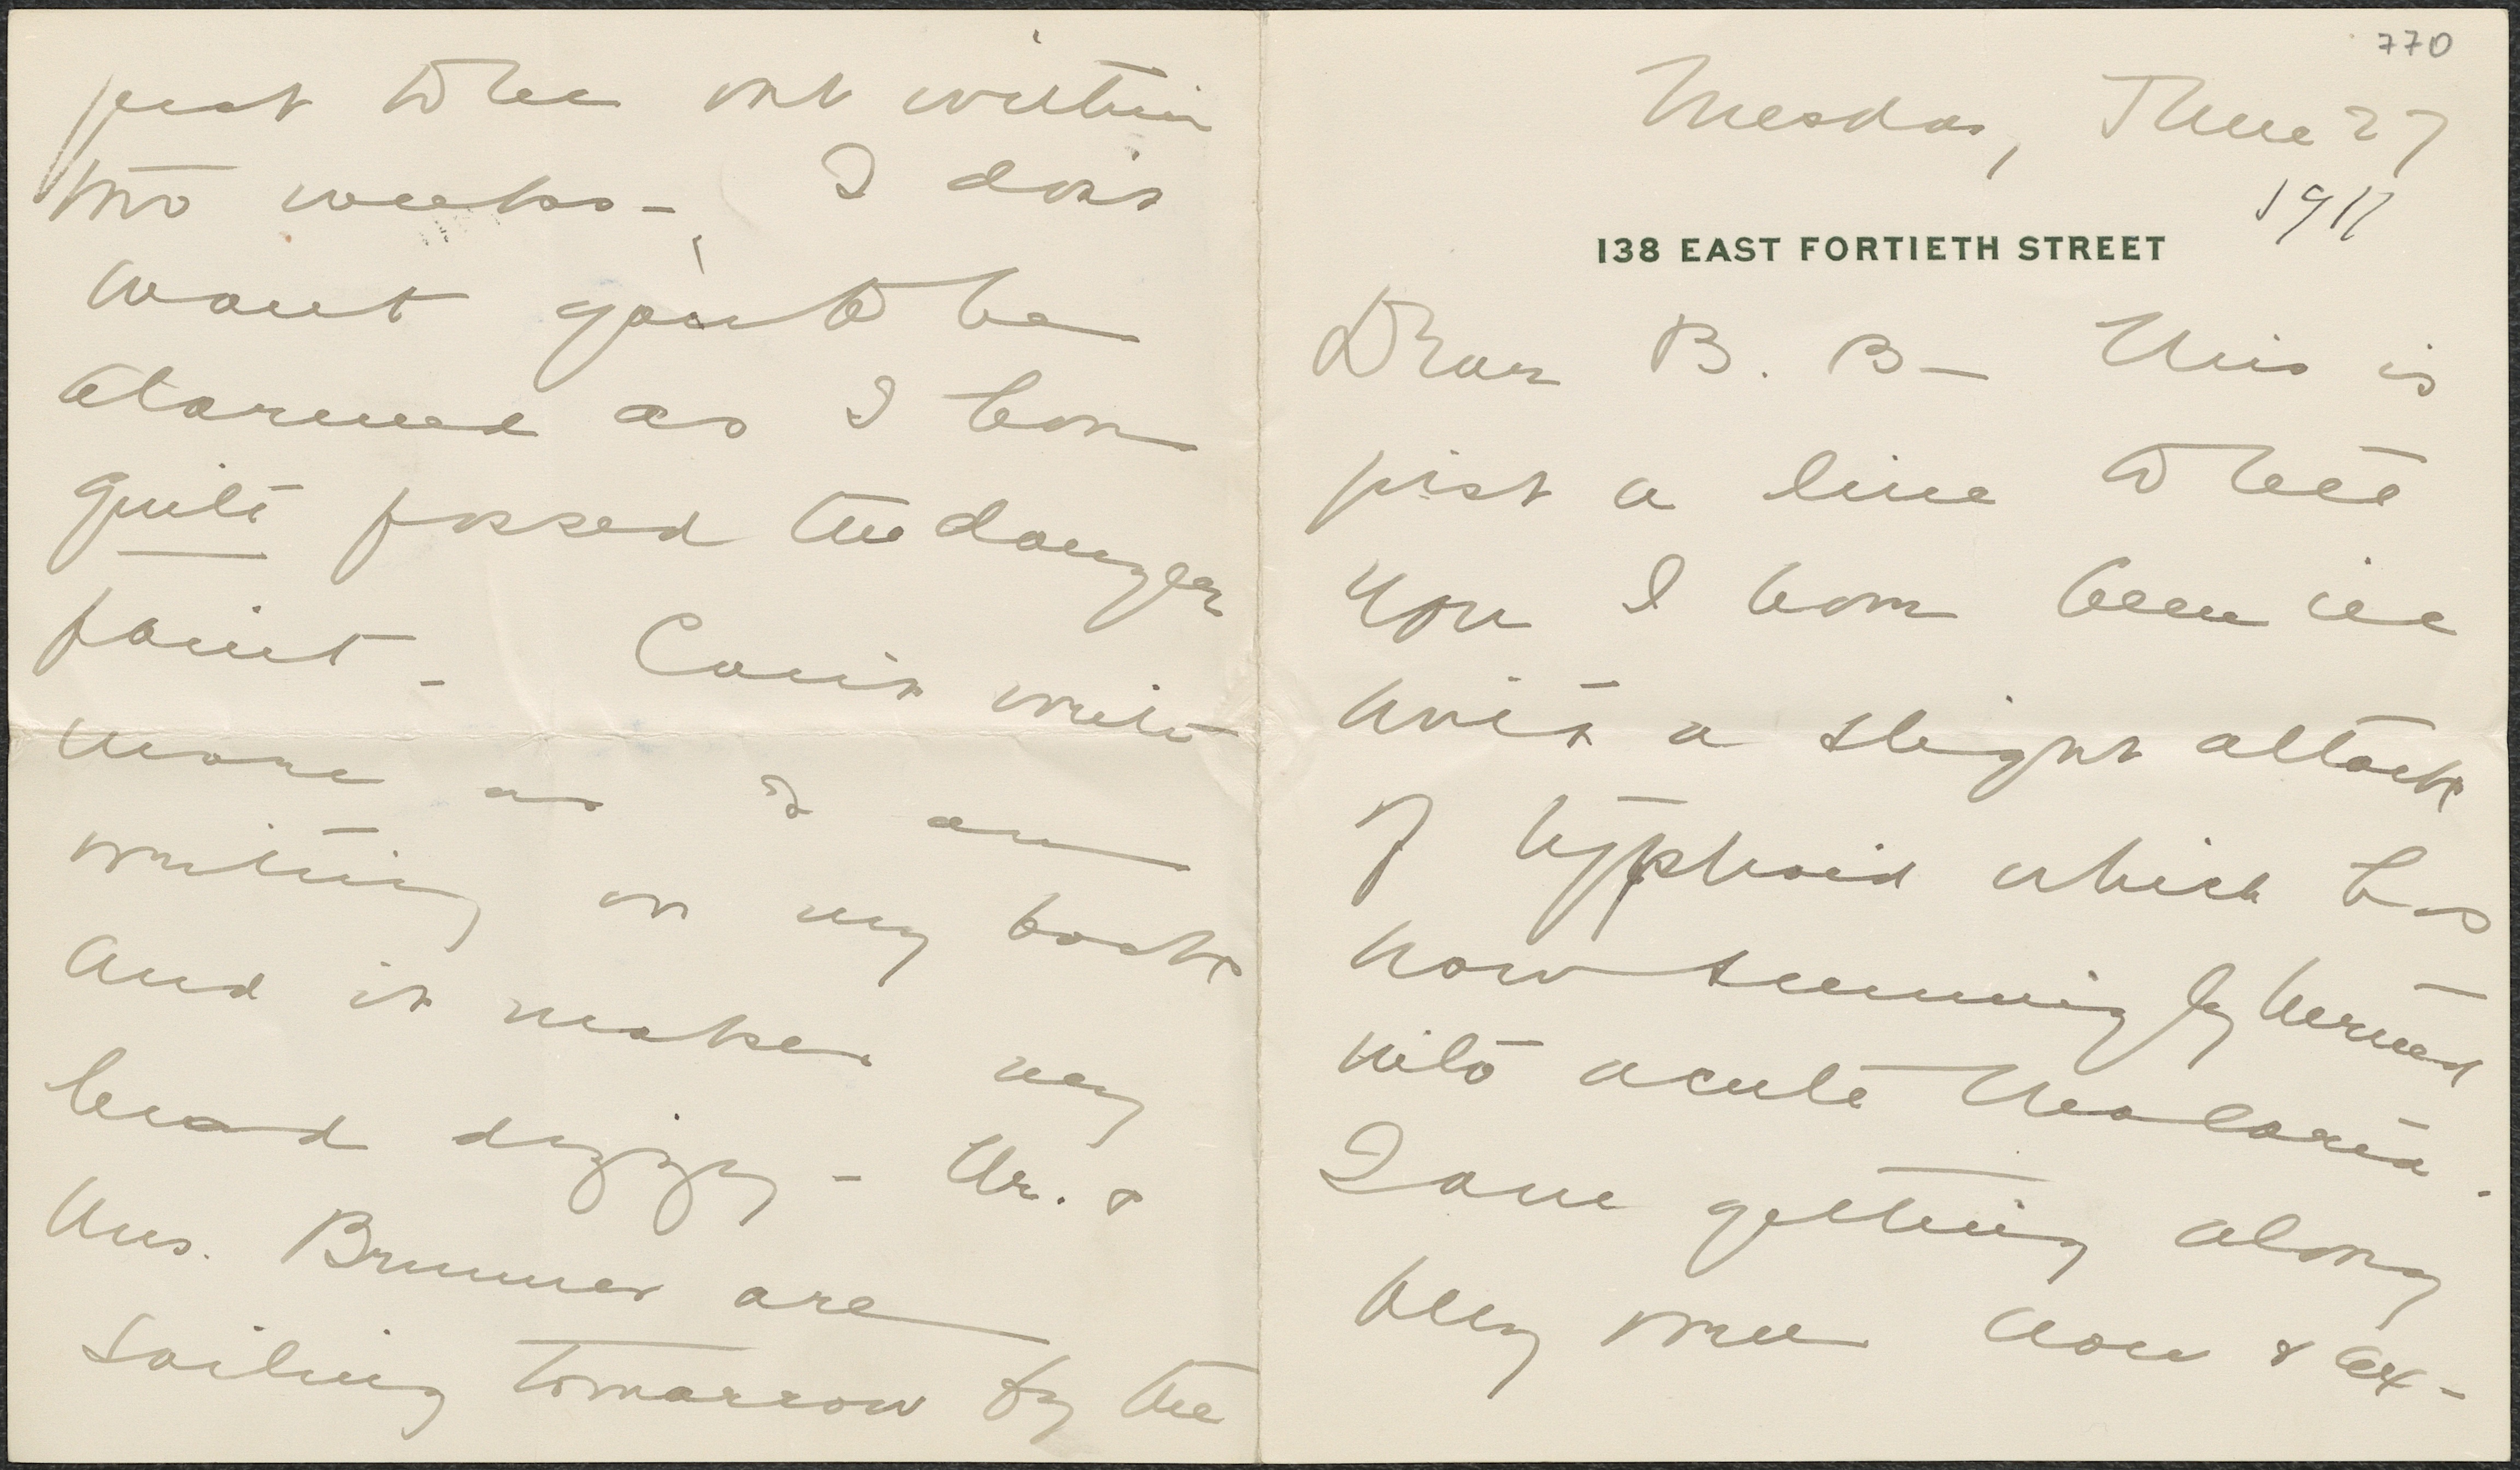Tuesday, June 27
Dear B. B – This is just a line to tell you I have been ill with a slight attack of typhoid which has now seemingly turned into acute malaria. I am getting along very well now & expect
to be out within two weeks – I don’t want you to be alarmed as I have quite passed the danger point. Can’t write more as I am writing on my back and it makes my head dizzy – Mr. & Mrs. Brunner are sailing tomorrow by the